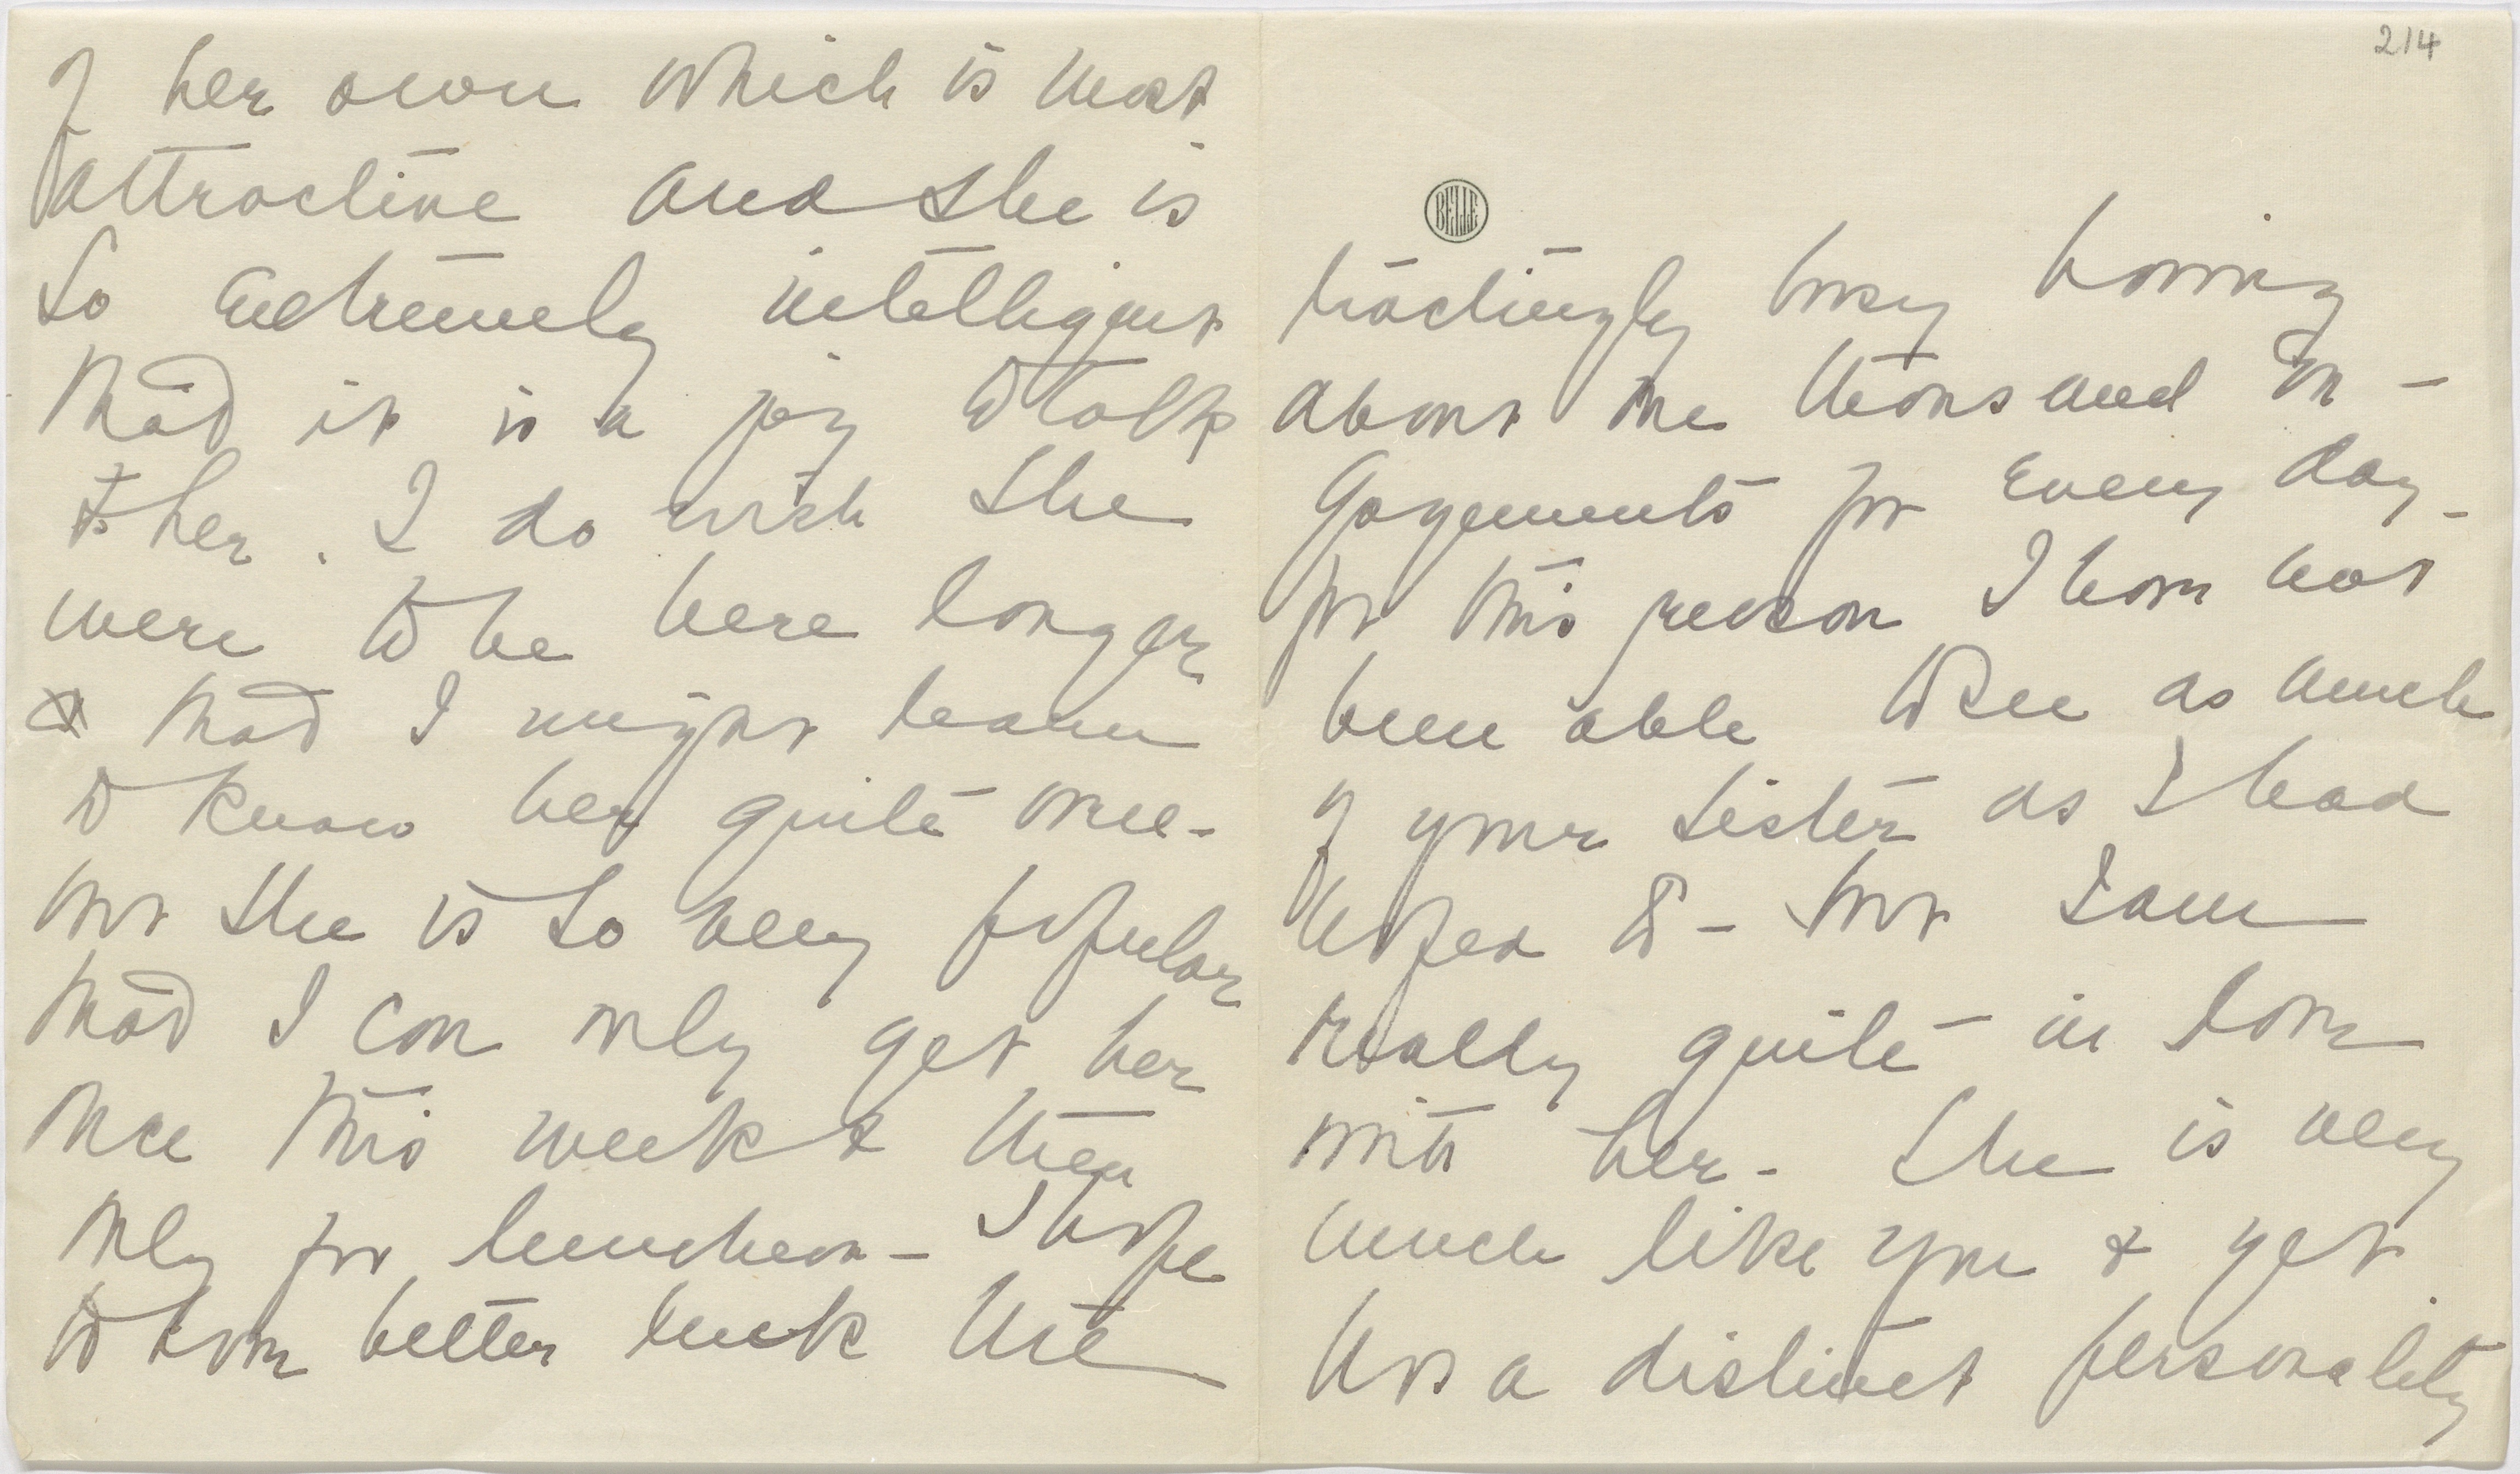busy having about one thousand engagements for every day – for this reason I have not been able to see as much of your sister as I had hoped to – but I am really quite in love with her – She is very much like you & yet has a distinct personality
of her own which is most attractive and she is so extremely intelligent that it is a joy to talk to her. I do wish she were to be here longer a that I might learn to know her quite well – but she is so very popular that I can only get her once this week & then only for luncheon – I hope to have better luck the